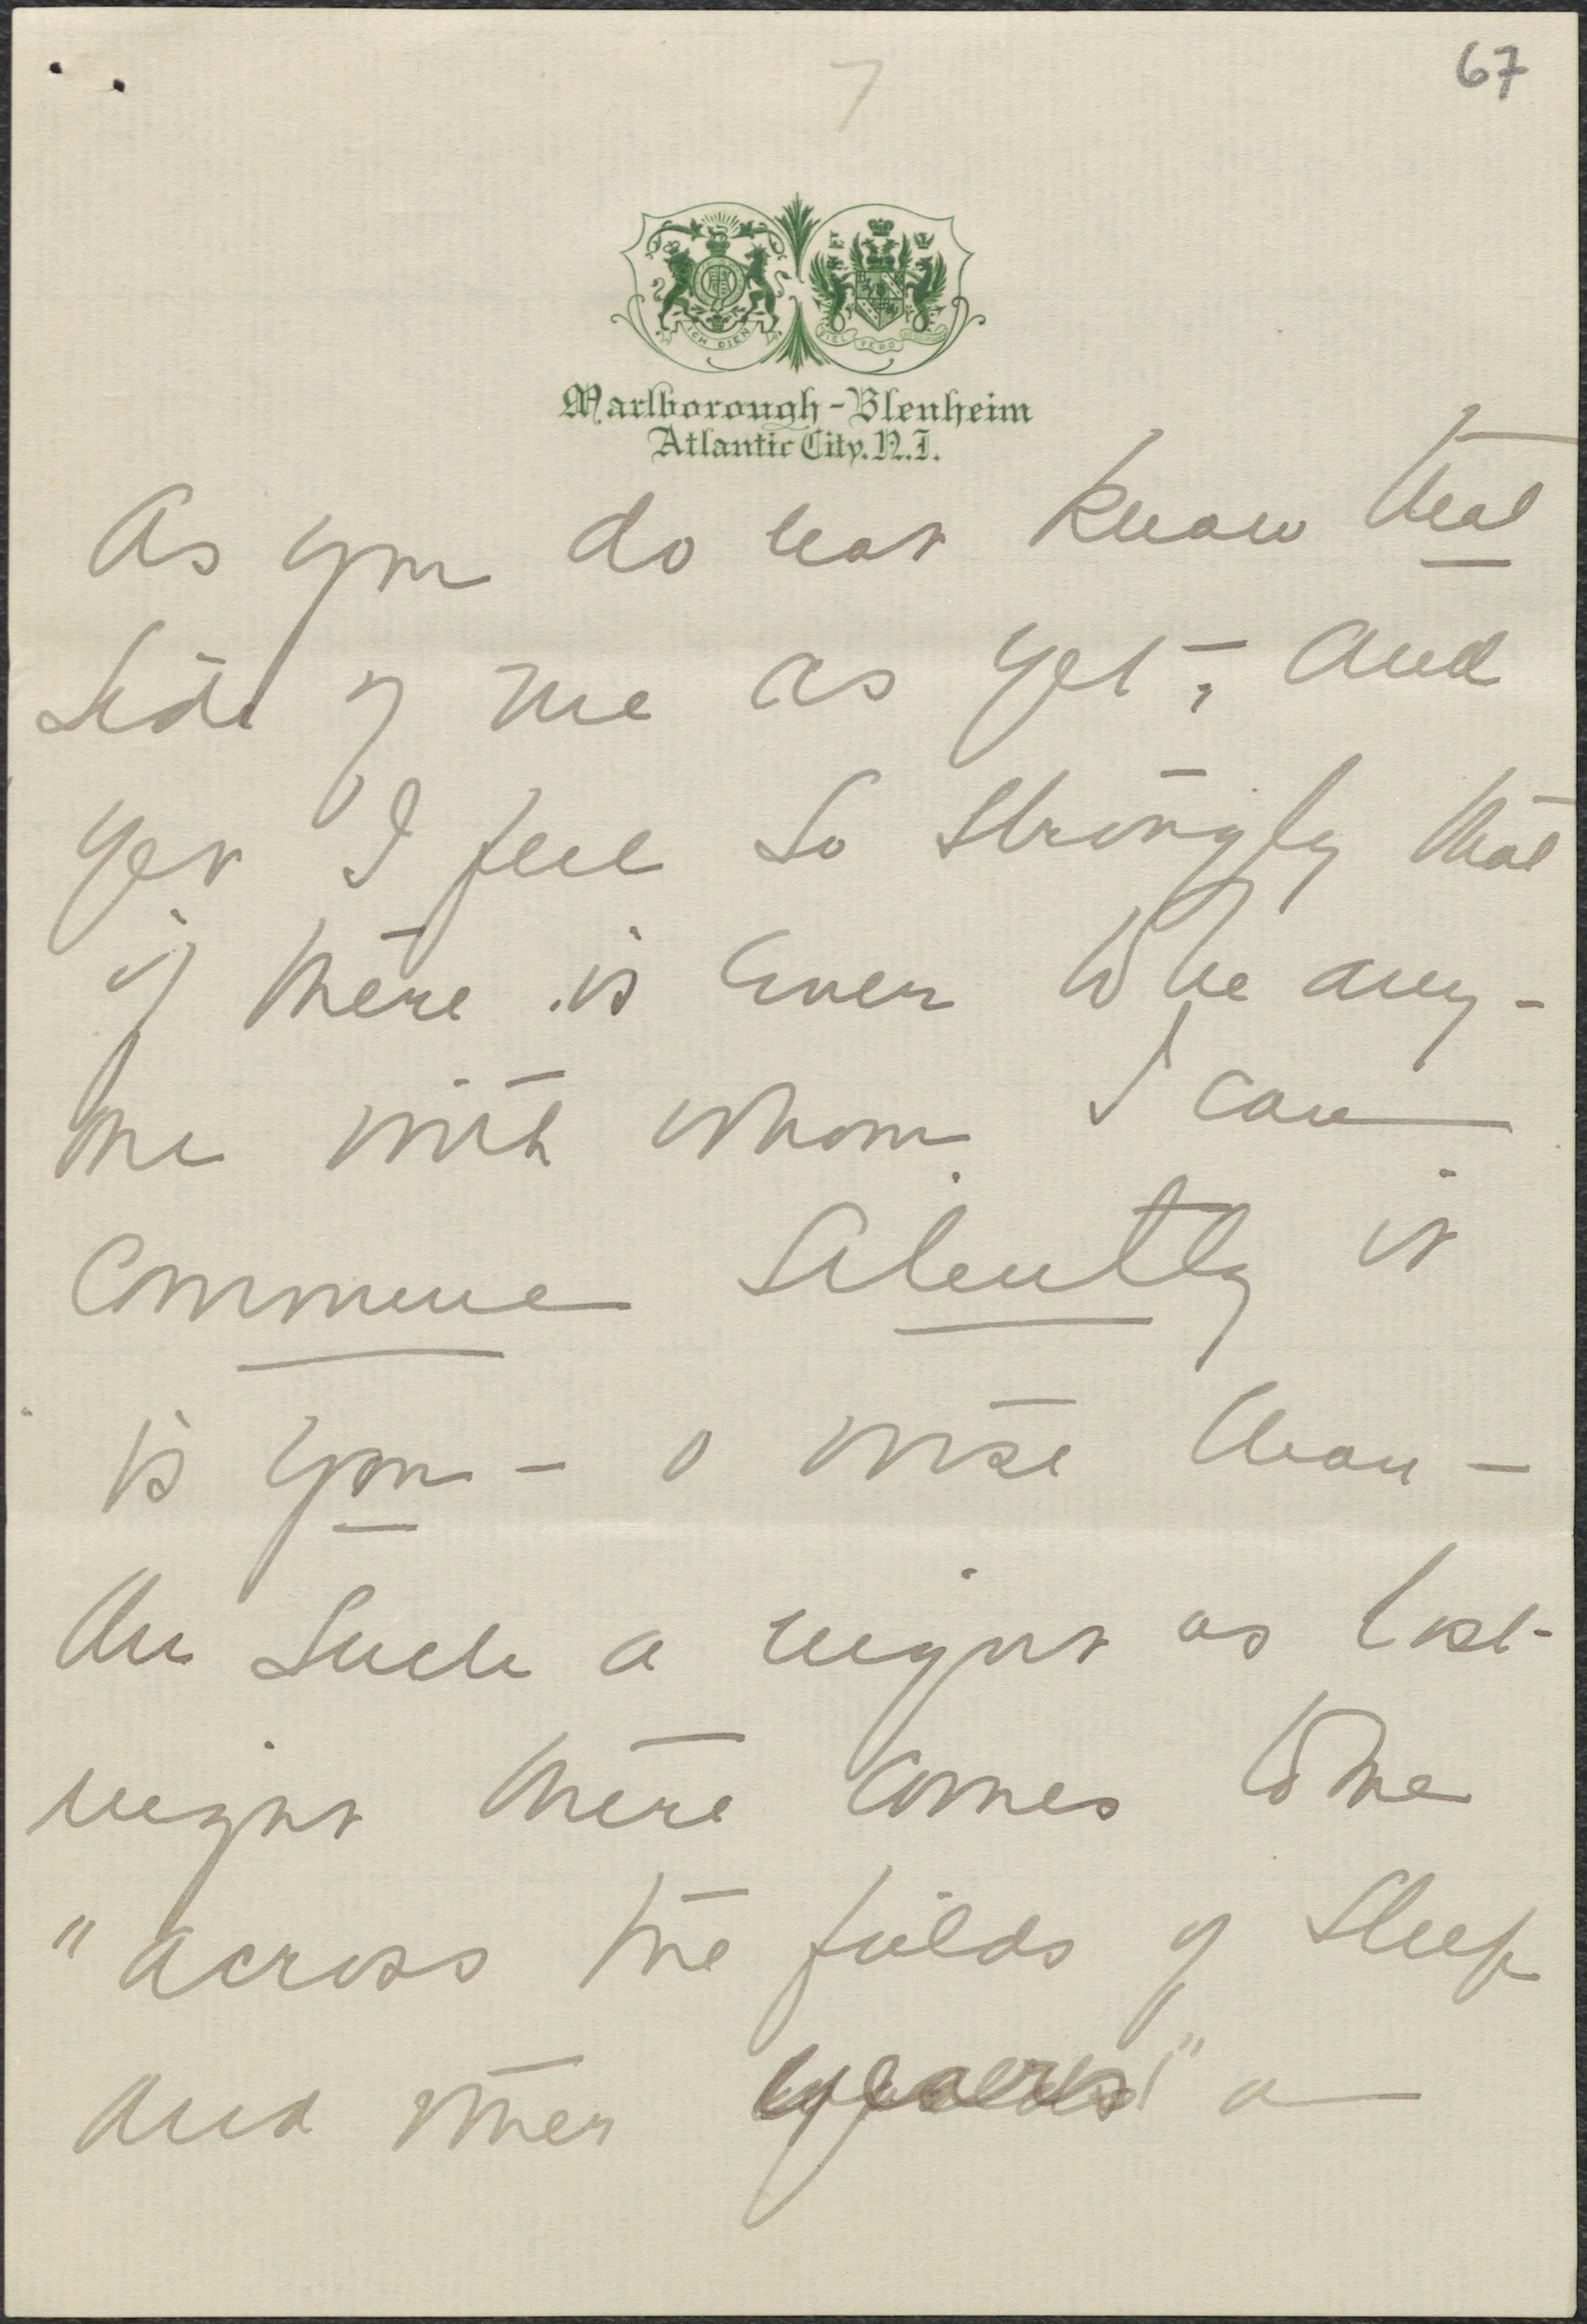7
as you do not know that side of me as yet, and yet I feel so strongly that if there is ever to be anyone with whom I can commune silently it is you – o wise man – On such a night as last night there comes to me “across the fields of sleep and other years” a